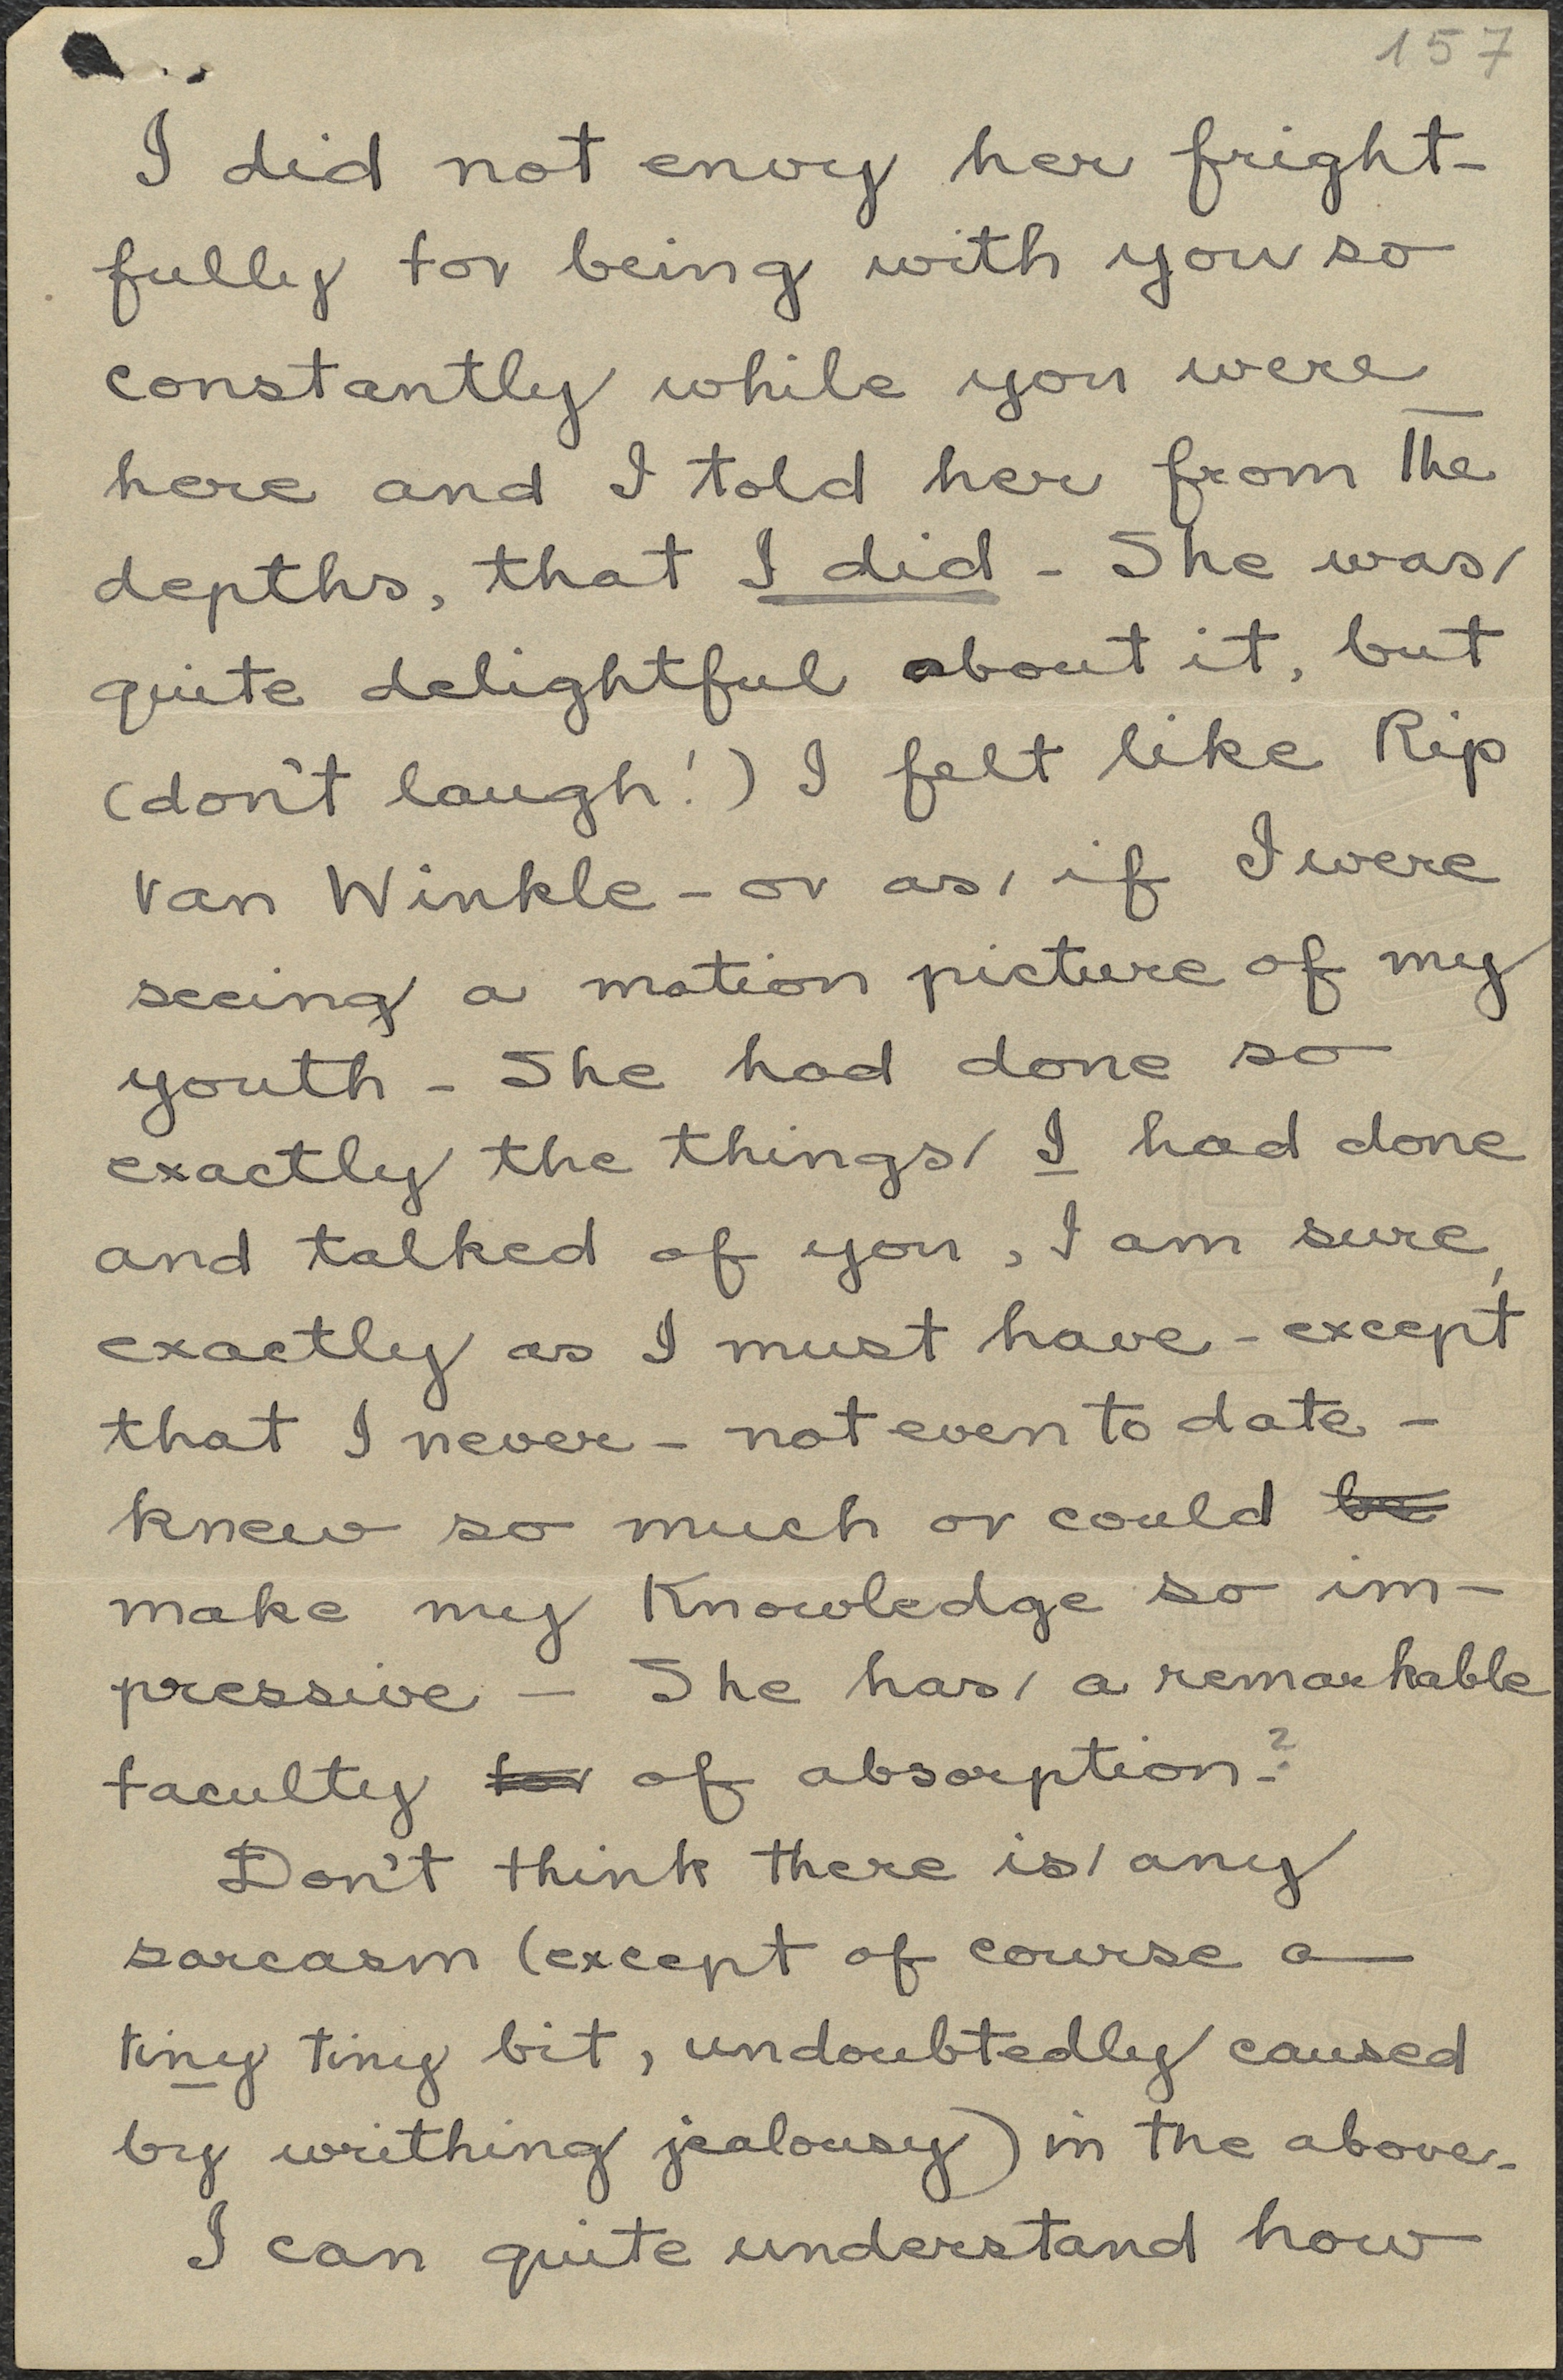I did not envy her frightfully for being with you so constantly while you were here and I told her from the depths, that I did – She was quite delightful about it, but (don't laugh!) I felt like Rip Van Winkle – or as if I were seeing a motion picture of my youth – She had done so exactly the things I had done and talked of you, I am sure exactly as I must have – except that I never – not even to date – knew so much or could be make my Knowledge so impressive – She has a remarkable faculty for of absorption – ?
Don't think there is any sarcasm (except of course a tiny tiny bit, undoubtedly caused by writhing jealousy) in the above –
I can quite understand how